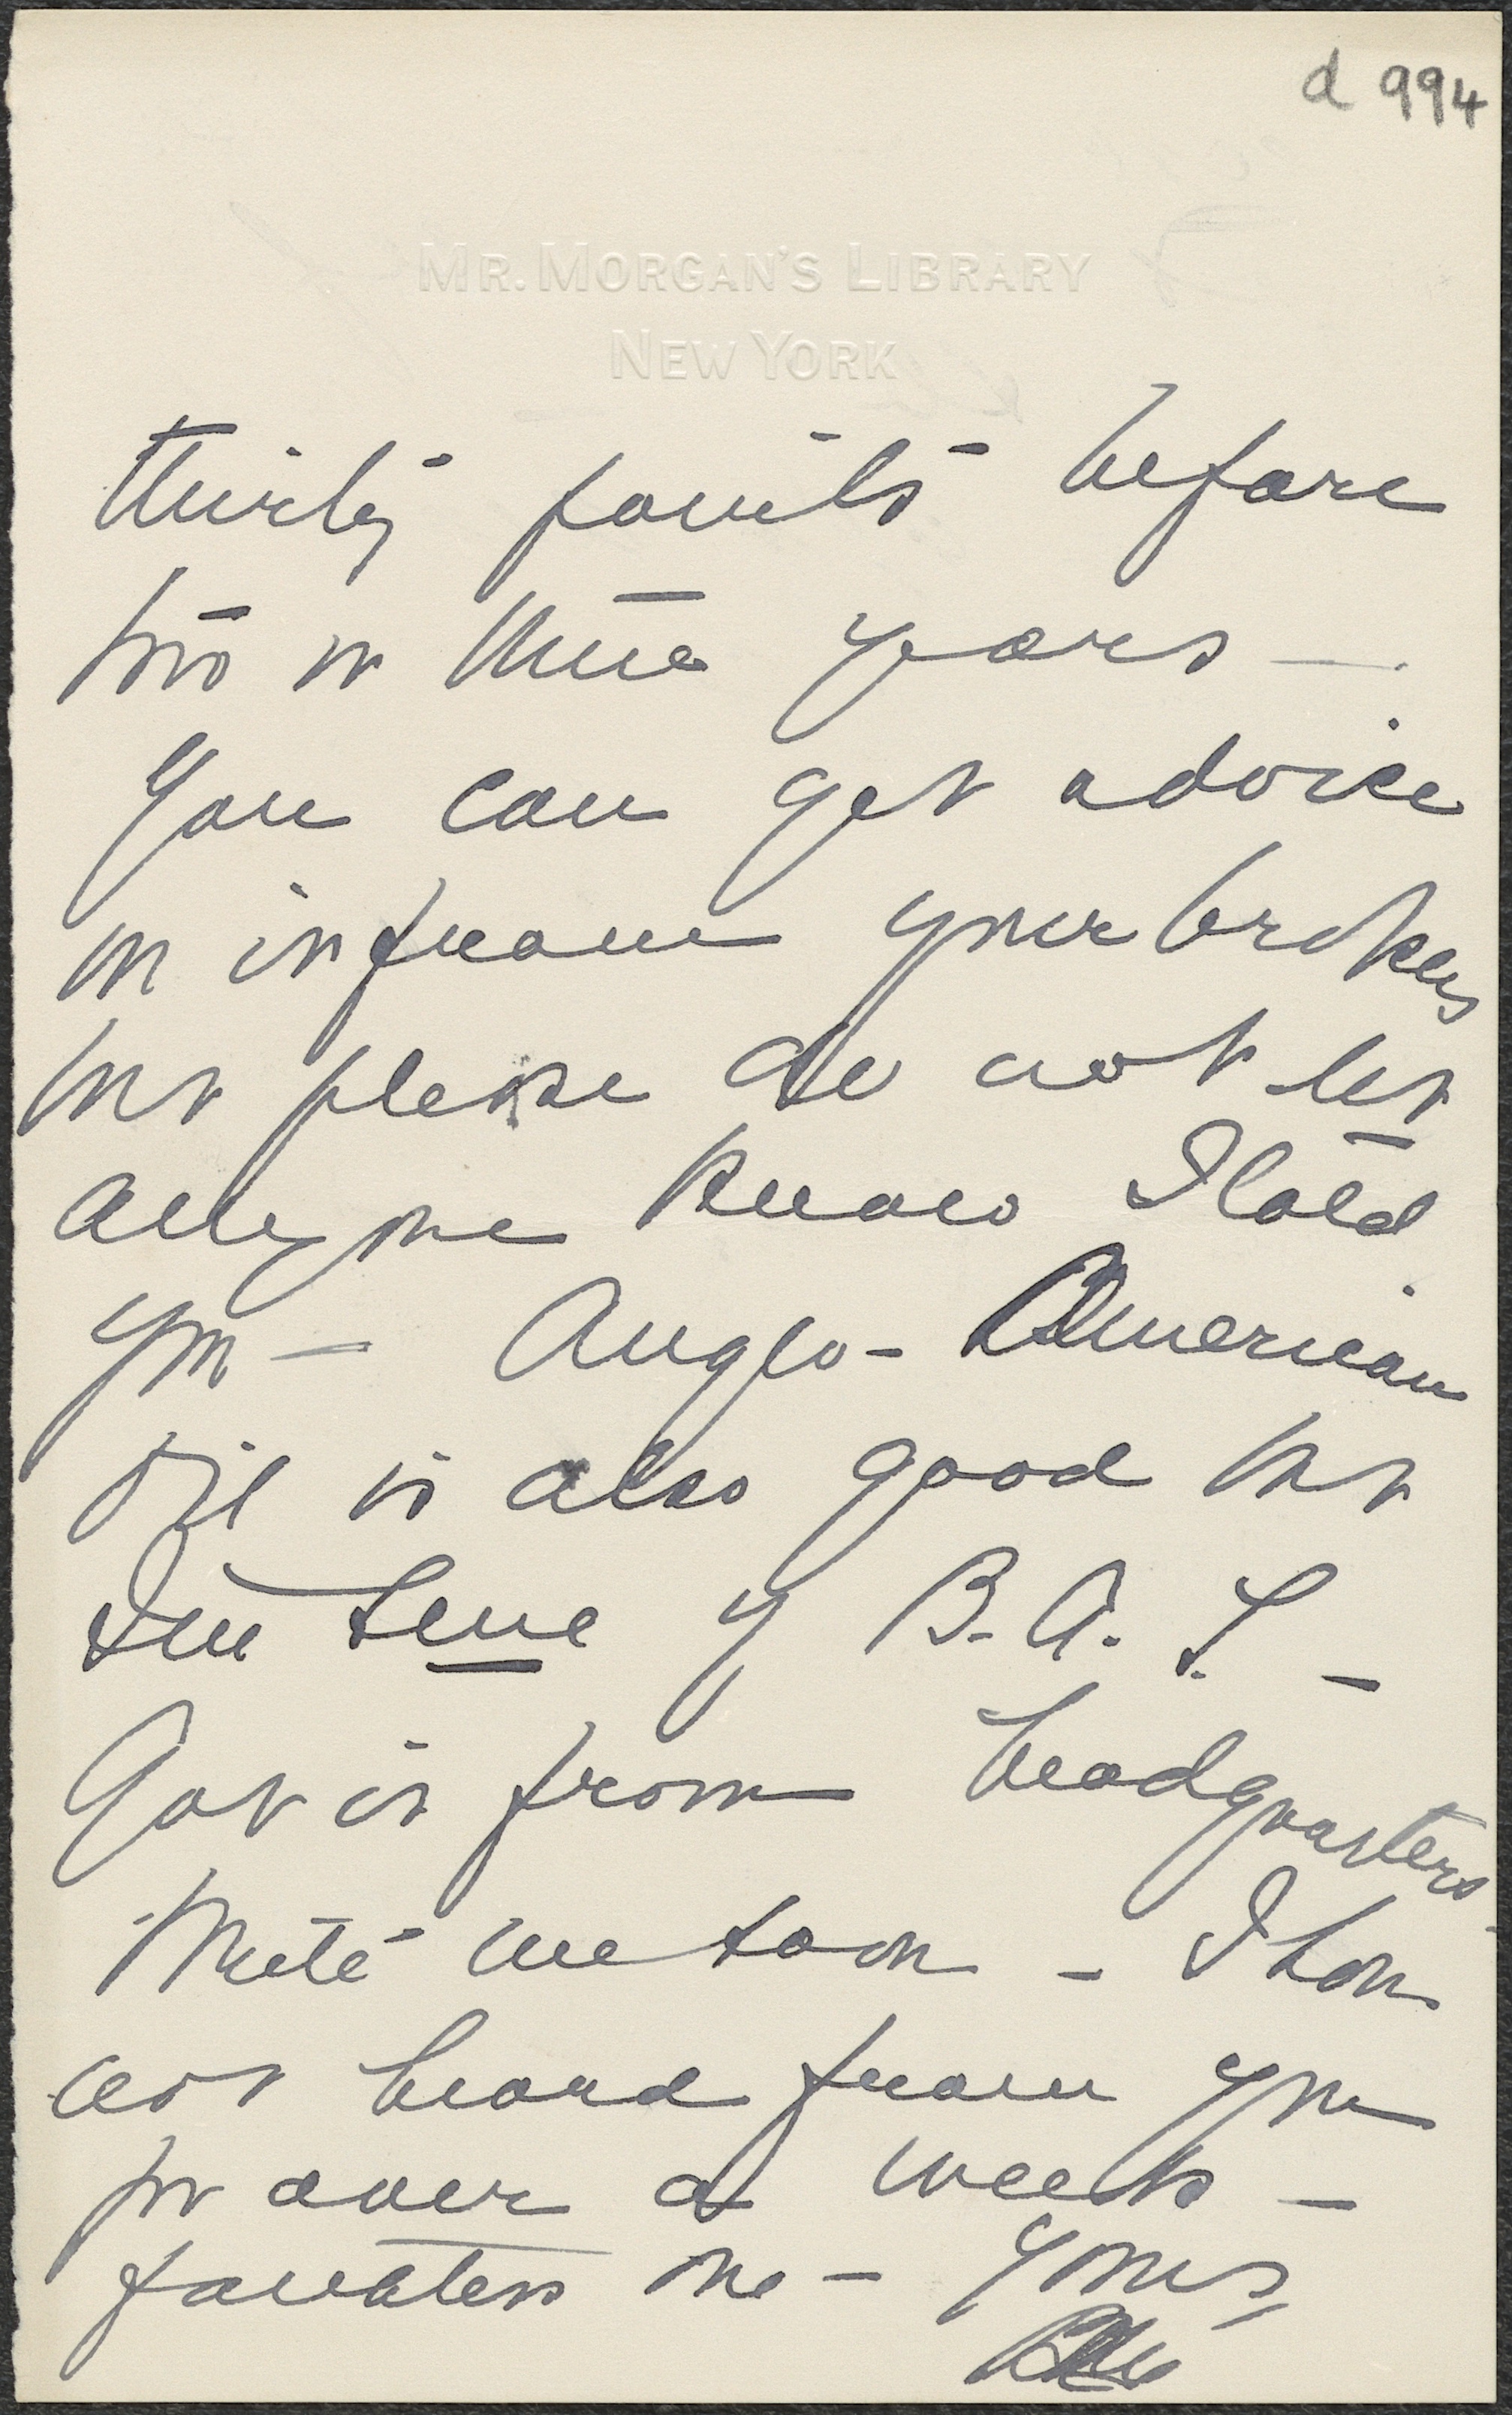thirty pounds before two or three years –
You can get advice on it from your brokers but please do not let anyone know I told you – Anglo-American oil is also good but I’m sure of B.A.T. – Got it from headquarters –
Write me soon – I have not heard from you for over a week – faithless one – Yours,
Belle